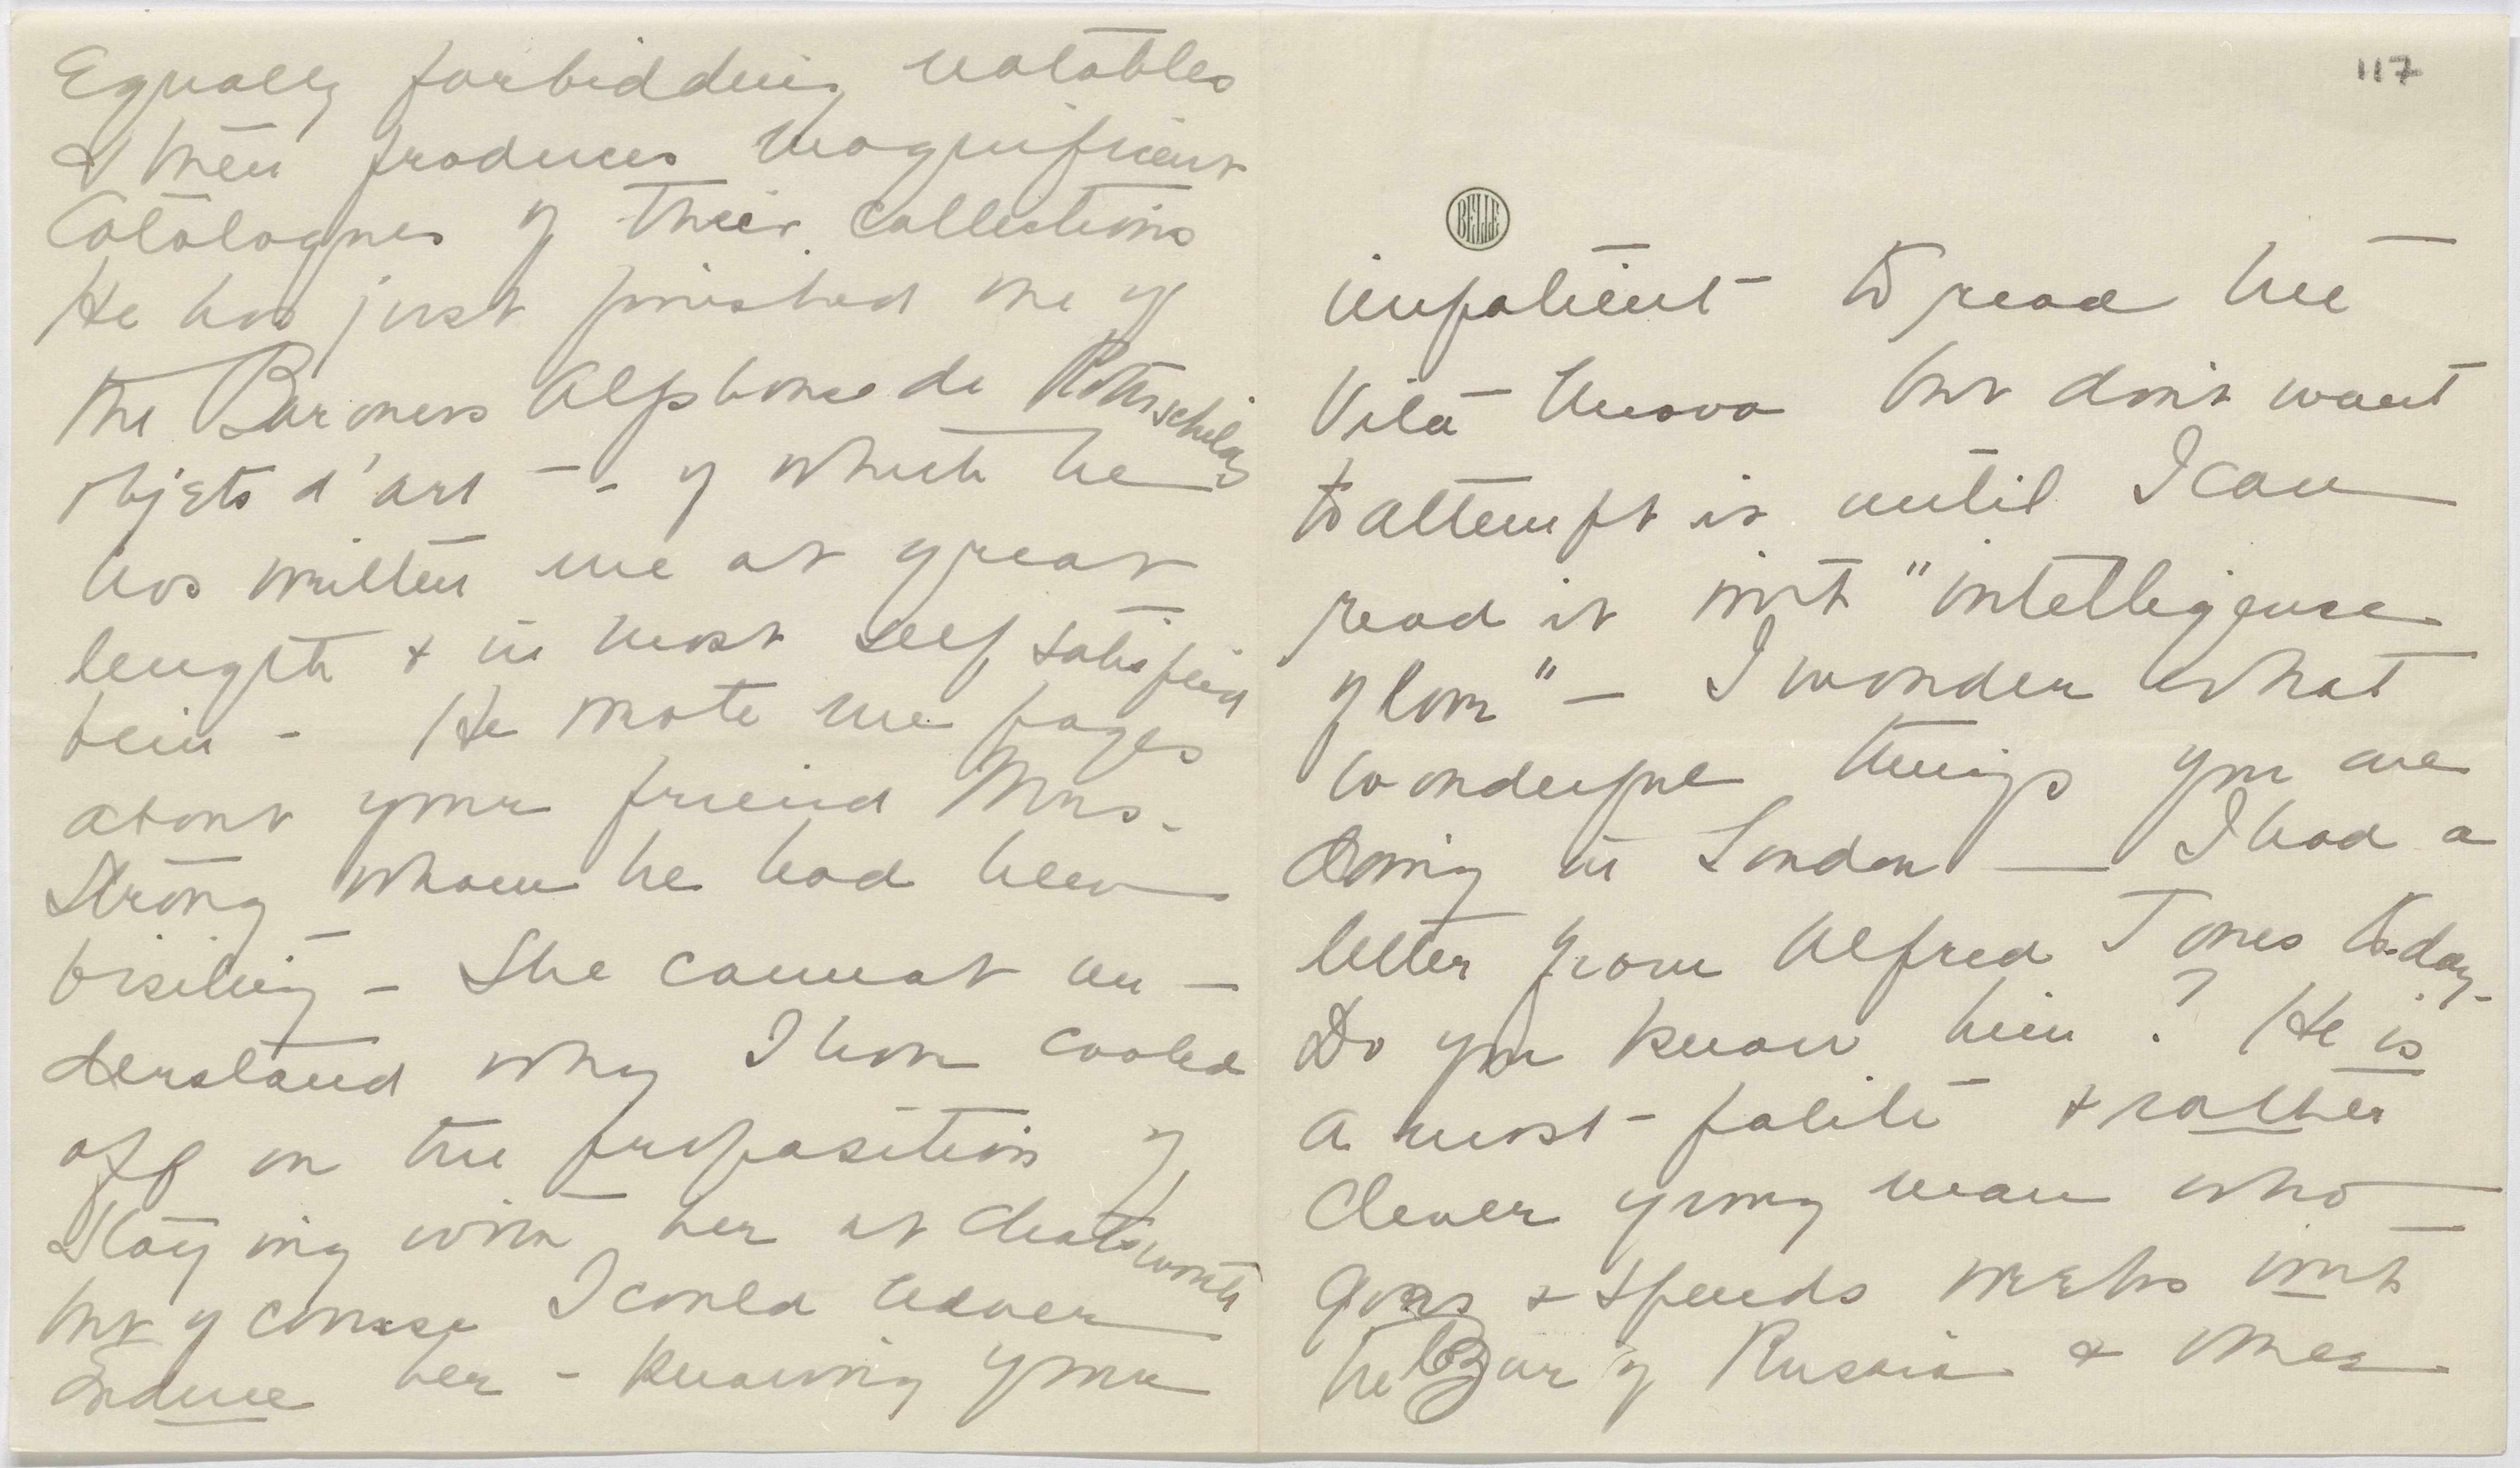impatient to read the Vita Nuova but don’t want to attempt it until I can read it with “intelligence of love” – I wonder what wonderful things you are doing in London – I had a letter from Alfred Jones to-day – Do you know him? He is a most polite & rather clever young man who goes & spends weeks with the Czar of Russia & other
equally forbidding notables & then produces magnificent catalogues of their collections
He has just finished one of the Baroness Alphonse de Rothschild l’objets d’art – of which he has written me at great length & in most self satisfied vein – He wrote me pages about your friend Mrs. Strong whom he had been visiting – She cannot understand why I have cooled off on the proposition of staying with her at Chatsworth but of course I could never endure her – knowing your